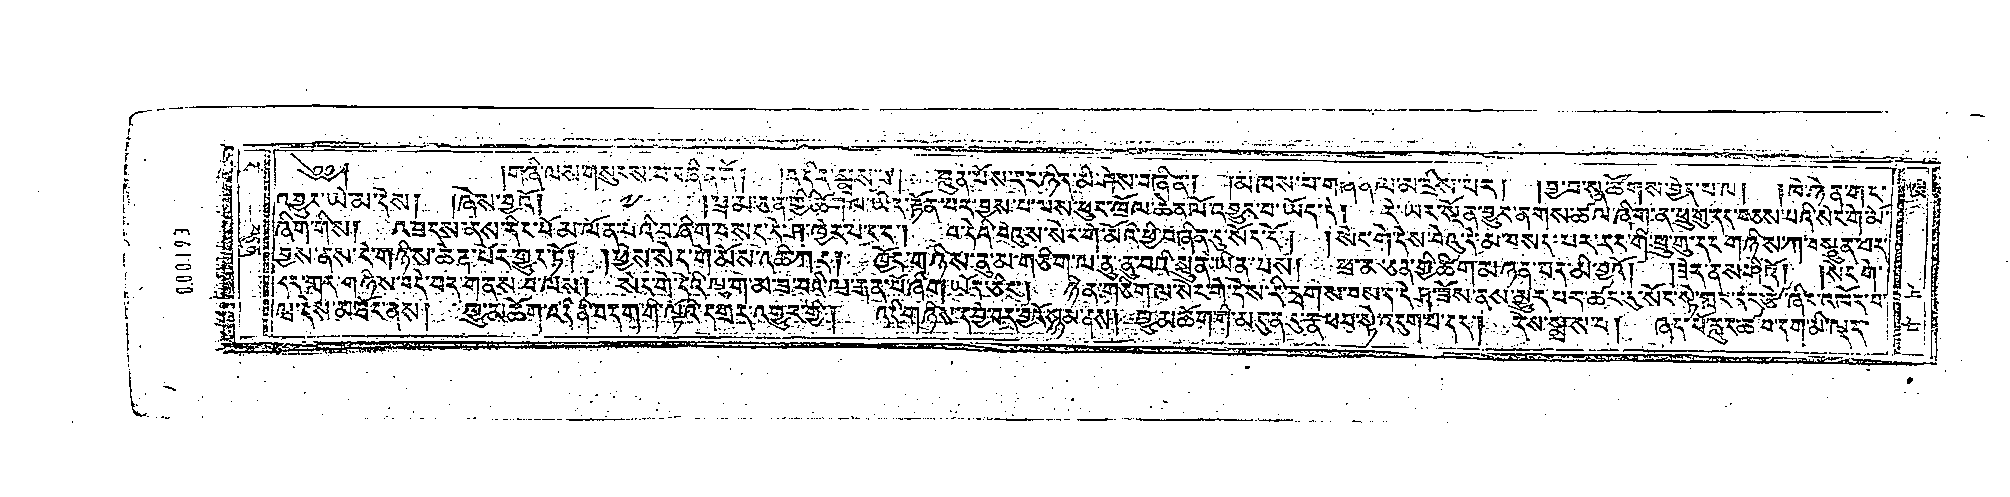༄༅། །གཞི་ལས་གསུངས་པ་བཞིན་ནོ། །འདིར་སྨྲས་པ། བླུན་པོས་རང་ཉིད་མི་ཤེས་བཞིན། །མཁས་པ་གཞན་ལ་མ་དྲིས་པར། །བྱ་བ་སྣ་ཚོགས་བྱེད་པ་ལ། །ཁེ་ཉེན་གང་
འབྱུང་ཡེ་མ་དེས། །ཞེས་བྱའོ། ༧་།ཕྲ་མ་ཅན་གྱི་ཚིག་ལ་ཡིད་རྟོན་པར་བྱས་པ་ལས་ཕུང་ཁྲོལ་ཆེན་པོ་འབྱུང་བ་ཡོད་དེ། དེ་ཡང་སྔོན་བྱུང་ནགས་ཚལ་ཞིག་ན་ཕྲུ་གུ་དང་བཅས་པའི་སེང་གེ་མོ་
ཞིག་གིས། འབྲངས་ནས་རིང་པོ་མ་ལོན་པའི་བ་ཞིག་བསང་དེ་ཤ་ཁྱེར་པ་དང་། བ་དེའི་བེའུས་སེང་གེ་མོའི་ཕྱི་བཞིན་དུ་སོང་ངོ། །སེང་གེ་དེས་བེའུ་དེ་མ་བསད་པར་རང་གི་ཕྲུ་གུ་དང་གཉིས་ཀ་བསྣུན་པར་
བྱས་ནས་དེ་གཉིས་ཆེན་པོར་གྱུར་ཏོ། །ཕྱིས་སེང་གེ་མོས་འཆི་ཀར། ཁྱོད་གཉིས་ནུ་མ་གཅིག་ལ་ནུ་ནུ་བའི་སྤུན་ཡིན་པས། ཕྲ་མ་ཅན་གྱི་ཚིག་མ་ཉན་པར་མི་བྱའོ། །ཟེར་ནས་ཤིའོ། །སེང་གེ་
དང་གླང་གཉིས་བདེ་བར་གནས་བ་ལས། སེང་གེ་དེའི་ལྷག་མ་ཟ་བའི་ཝ་རང་པོ་ཞིག་ཡོད་ཅིང་། ཉིན་གཅིག་ལ་སེང་གེ་དེས་རི་དྭགས་བསད་དེ་ཤ་ཟོས་ནས་མྱུར་པར་ཚང་དུ་སོང་སྟེ་གླང་དང་རྩེ་ཞིང་འཁོད་པ་
ཝ་དེས་མཐོང་ནས། ཁྱུ་མཆོག་འདི་ནི་བདག་གི་ལྟོའི་དགྲར་འགྱུར་གྱི། འདི་གཉིས་དབྱེ་བར་བྱའོ་སྙམ་ནས། ཁྱུ་མཆོག་གི་མདུན་དུ་རྣ་ཕབ་སྟེ་འདུག་པ་དང་། དེས་སྨྲས་པ། ཞད་པོ་རླུང་ཚ་བ་དག་མི་ལྡང་